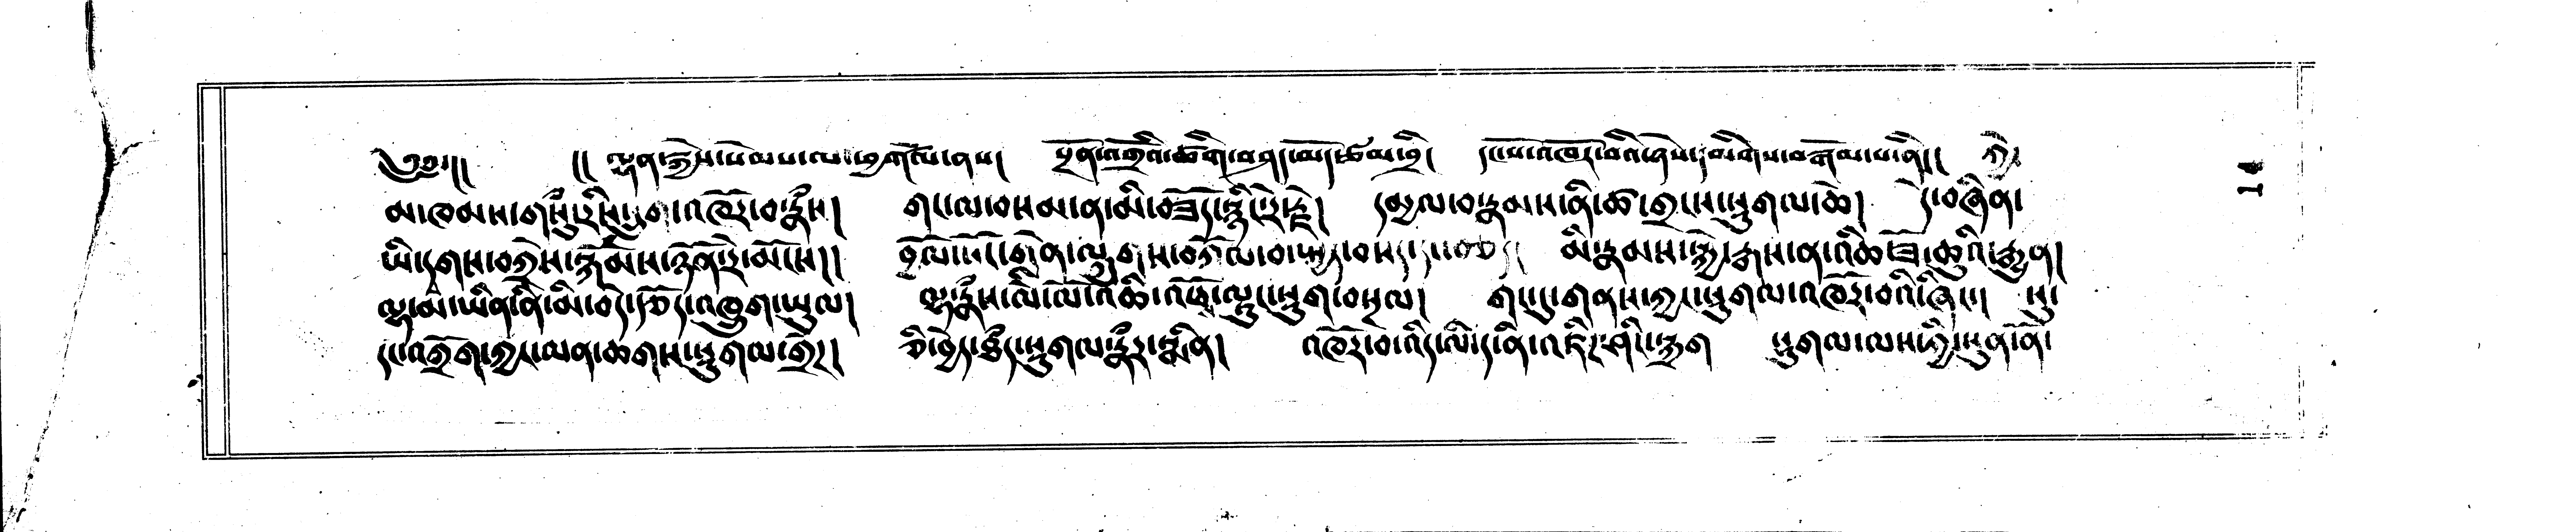༄༅།། །།ལྷན་སྐྱེས་སེམས་ལ་ཕྱག་འཚལ་ནས། སྔོན་འགྲོའི་ཚིགས་བཤད་མདོ་ཙམ་བྲི། དང་པོ་འཁོར་བའི་ཉེས་དམིགས་བསྒོམ་པ་ནི། ཀྱེ་
མ་ཁམས་གསུམ་རིས་དྲུག་འཁོར་བ་རྣམས། །གང་ལ་བསམ་ན་མི་བཟོད་སྙིང་རེ་རྗེ། །དམྱལ་བ་རྣམས་ནི་ཚ་གྲང་སྡུག་བསྔལ་ཆེ། །དེ་བཞིན་
ཡི་དྭགས་བཀྲེས་སྐོམ་ཉོན་རེ་མོངས། །བྱོལ་སོང་གླེན་ལྐུགས་བཀོལ་སྤྱད་བསད་དང་གཅད། །མི་རྣམས་སྐྱེ་རྒ་ན་འཆི་ཟོ་ཆུའི་རྒྱུན། 
།ལྷ་མ་ཡིན་ནི་མི་བདེ་རྩོད་འཁྲུགས་ཡུལ། །ལྷ་རྣམས་ལེ་ལོ་འཆི་འཕོ་ལྟུང་སྡུག་བསྔལ། །གང་དུ་གནས་ཀྱང་སྡུག་བསྔལ་འཁོར་བའི་ཞིང་། །སུ་
དང་འགྲོགས་ཀྱང་ལན་ཆགས་སྡུག་བསྔལ་གྲོགས། །ཅི་བྱེད་ཐམས་ཅད་སྡུག་བསྔལ་རྣམ་པར་སྨིན། །འཁོར་བ་འདི་ལ་ད་ནི་འཇིགས་ཤིང་སྐྲག །སྡུག་བསྔལ་ལས་ཀྱིས་སུན་ནོ་